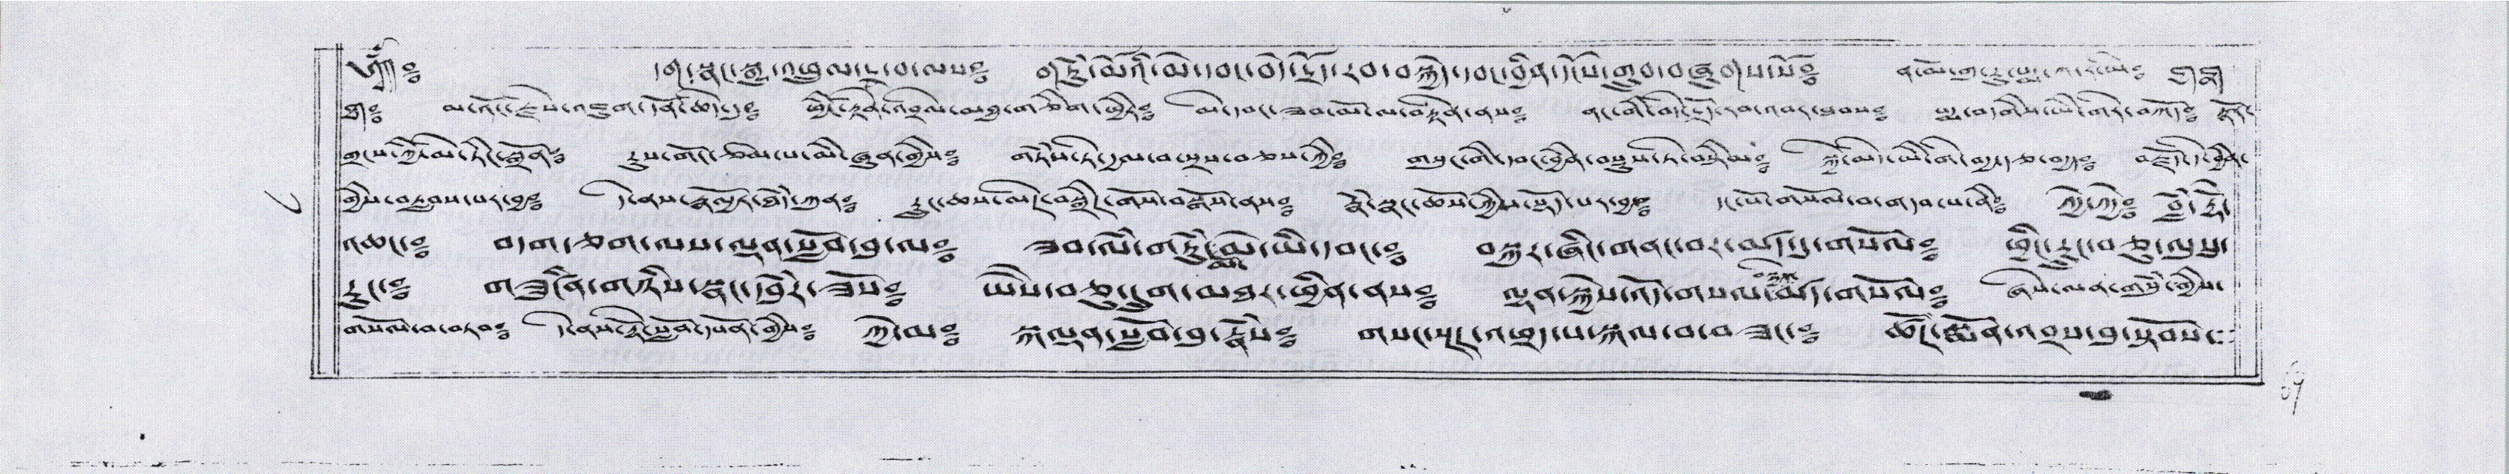༄༅།། དག་སྣང་སྒྱུ་འཕྲུལ་དྲྭ་བ་ལས༔ གཏུམ་མོའི་མེ་དབང་བདེ་དྲོད་རབ་བསྐྱེད་དབང་བྱིན་དངོས་གྲུབ་བཞུགས་སོ༔ ན་མོ་གུ་རུ་པདྨ་ཀ་ར་ཡིཿ ཏྱདྷ
ཐ།༔ མ་འོང་རྗེས་འཇུག་དོན་ཆེད་དུ༔ ཕྱི་ནང་རྟེན་འབྲེལ་མཐུ་གཅིག་ཕྱིར་༔ མེ་དབང་ཟབ་མོ་ལ་བརྟེན་ནས༔ ནང་གི་བདེ་དྲོད་རབ་འབར་ཐབས༔ པདྨ་བདག་གིས་ཡི་གེར་བཀོད༔ རྣལ་འབྱོར་
གྲངས་ཀྱི་མེ་ཏིང་སྒྲོན༔ རུས་གོང་ཙམ་པ་མི་ཞུན་གྱིས༔ གཏམས་ཏེ་རྒྱལ་བ་སྲས་བཅས་ཀྱི༔ གསུང་གི་དབང་བྱིན་བསྡུས་ཏེ་བསྟིམ༔ སྐྱེ་མེད་ཡི་གེ་བརྒྱ་རྩ་བརྒྱད༔ བརྗོད་དེ་བྱིན་
གྱིས་བརླབས་པར་བྱ༔ དེ་ནས་རྣལ་འབྱོར་ཐམས་ཅད་ཀུན༔ རླུང་ཆས་མེད་བསྒྲིགས་གསོ་བསྒོས་ནས༔ རྣམ་སྣང་ཆོས་ཀྱིས་སྡོད་པར་བྱ༔ དང་པོ་གསོལ་བ་གདབ་པ་ནི༔ ཀྱེ་ཀྱེ༔ བླ་མ་རྡོ་རྗེ་
འཆང༔ བདག་ཅག་ལས་ལྡན་སློབ་བུ་ལ༔ ཟབ་ལམ་གཏུམ་མོ་མེ་ཡི་དབང༔ བསྐུར་ཞིང་གནང་བར་མཛད་དུ་གསོལ༔ ཕྱི་ནང་རླུང་བཅུ་ལུས་སུ་
རུང༔ གཟུང་འཛིན་གཉིས་སྣང་དབུ་མར་ཟོས༔ ཡེ་ཤེས་བཅུ་དྲུག་མཐར་ཕྱིན་ནས༔ ལྷན་སྐྱེས་འོད་གསལ་བསྐྱེད་མཛད་གསོལ༔ ཞེས་ལན་གསུམ་གྱིས་
གསོལ་བ་བཏབ༔ དེ་ནས་རྡོ་རྗེ་སློབ་དཔོན་གྱིས༔ ཀྱེ་མ༔ སྐལ་ལྡན་སློབ་བུ་རྣམས༔ གསང་སྔགས་འཕྲད་པ་སྐལ་བ་བཟང༔ ཚོགས་སྨོན་འབྲས་བུ་སྟོབས་